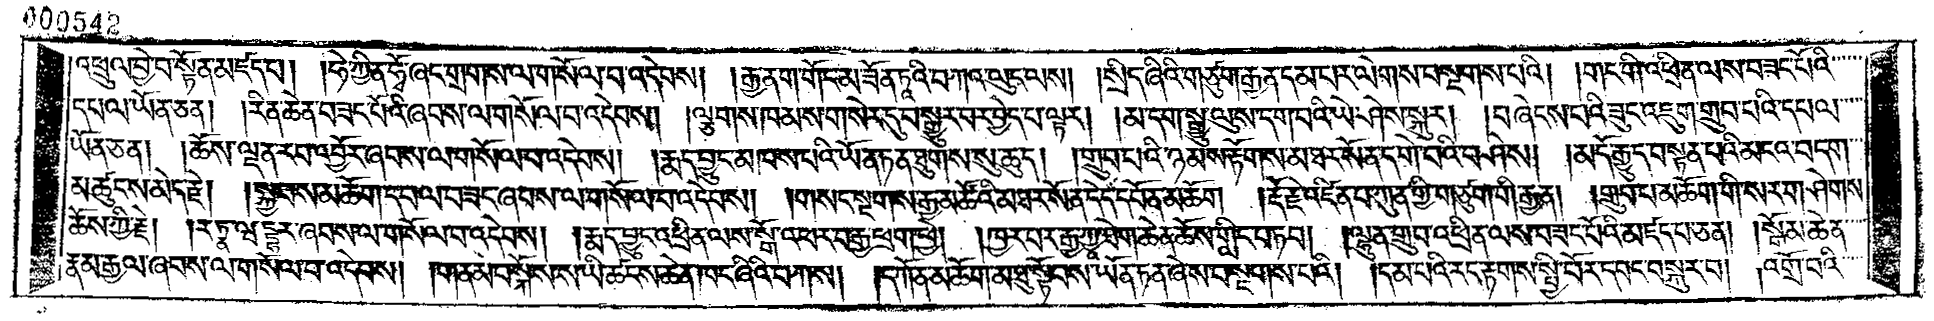འཕྲུལ་བྱེ་བ་སྟོན་མཛད་པ། །ཧེ་ཀྱིན་ཧྭོ་ཞང་གྲགས་ལ་གསོལ་བ་འདེབས། །རྒྱ་ནག་གོང་མ་ཟོན་ཏཱའི་བཀའ་ལུང་ལས། །སྲིད་ཞིའི་གཙུག་རྒྱན་དམ་པར་ལེགས་བསྔགས་པའི། །གང་གི་འཕྲིན་ལས་བཟང་པོའི་
དཔལ་ཡོན་ཅན། །རིན་ཆེན་བཟང་པོའི་ཞབས་ལ་གསོལ་བ་འདེབས། །ལྕགས་ཁམས་གསེར་དུ་བསྒྱུར་བར་བྱེད་པ་ལྟར། །མ་དག་སྒྱུ་ལུས་དག་པའི་ཡེ་ཤེས་སྐུར། །བཞེངས་པའི་ཟུང་འཇུག་གྲུབ་པའི་དཔལ་
ཡོན་ཅན། །ཆོས་ལྡན་རབ་འབྱོར་ཞབས་ལ་གསོལ་བ་འདེབས། །རྨད་བྱུང་མཁས་པའི་ཡོན་ཏན་ཐུགས་སུ་ཆུད། །གྲུབ་པའི་ཉམས་རྟོགས་མཐར་སོན་དགེ་བའི་བཤེས། །མདོ་རྒྱུད་བསྟན་པའི་མངའ་བདག་
མཚུངས་མེད་རྗེ། །སྐྱབས་མཆོག་དཔལ་བཟང་ཞབས་ལ་གསོལ་བ་འདེབས། །གསང་སྔགས་རྒྱ་མཚོའི་མཐར་སོན་དེད་དཔོན་མཆོག །རྡོ་རྗེ་འཛིན་པ་ཀུན་གྱི་གཙུག་གི་རྒྱན། །གྲུབ་པ་མཆོག་གི་སར་གཤེགས་
ཆོས་ཀྱི་རྗེ། །རཏྣ་ཝདྡྷར་ཞབས་ལ་གསོལ་བ་འདེབས། །རྨད་བྱུང་འཕྲིན་ལས་སྒོ་འཕར་བརྒྱ་ཕྲག་ཕྱེ། །ཁྱད་པར་རྒྱ་ཀྱཱ་ཐེག་ཆེན་ཆོས་གླིང་བཏབ། །ལྷུན་གྲུབ་འཕྲིན་ལས་བཟང་པོའི་མཛད་པ་ཅན། །སྒོམ་ཆེན་
རྣམ་རྒྱལ་ཞབས་ལ་གསོལ་བ་འདེབས། །གནམ་བསྐོས་ས་ཡི་ཚངས་ཆེན་ཁང་ཞིའི་བཀས། །དཀོན་མཆོག་མཐུ་སྟོབས་ཡོན་ཏན་ཞེས་བསྔགས་པའི། །དམ་པའི་རང་རྟགས་སྤྱི་བོར་དབང་བསྐུར་བ། །འགྲོ་བའི་